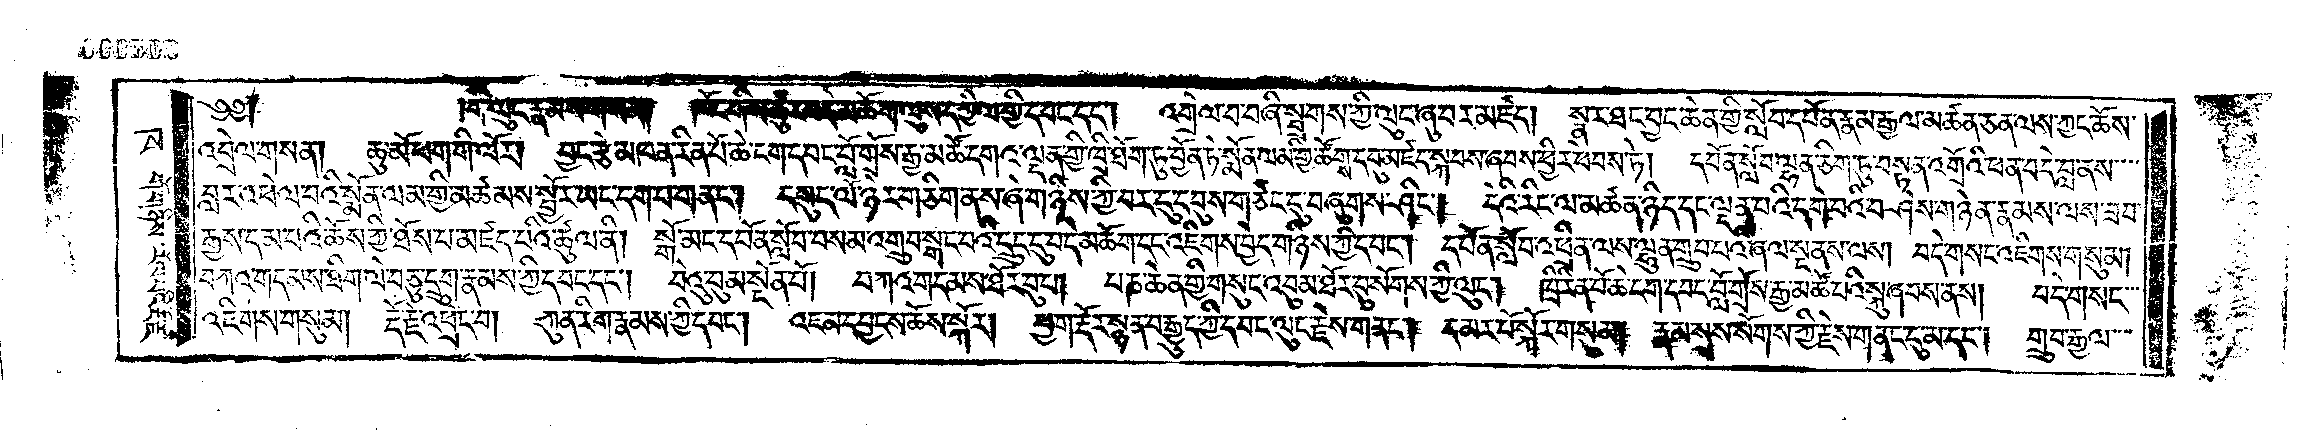༄༅། །གི་ལུང་རྣམས་གསན། ཁོང་གིས་ཚུར་བདེ་མཆོག་ལུས་དཀྱིལ་གྱི་དབང་དང་། འགྲེལ་བ་བཞི་སྦྲགས་ཀྱི་ལུང་ཞུ་བར་མཛད། སྣར་ཐང་བྱང་ཆེན་གྱི་སློབ་དཔོན་རྣམ་རྒྱལ་མཚན་ཅན་ལས་ཀྱང་ཆོས་
འབྲེལ་གསན། ཆུ་མོ་ཕག་གི་ལོར། བྱང་རྩེ་མཁན་རིན་པོ་ཆེ་ངག་དབང་བློ་གྲོས་རྒྱ་མཚོ་དགའ་ལྡན་གྱི་ཁྲི་ཐོག་ཏུ་བྱོན་ཏེ་སྨོན་ལམ་གྱི་ཚོགས་དབུ་མཛད་སྐབས་ཞབས་ཕྱིར་ཕེབས་ཏེ། དབོན་སློབ་ལྷན་ཅིག་ཏུ་བསྟན་འགྲོའི་ཕན་བདེ་བླ་ནས་
བླར་འཕེལ་བའི་སྨོན་ལམ་གྱི་མཚམས་སྦྱོར་ཡང་དག་པ་གནང་། དགུང་ལོ་ཉེར་གཅིག་ནས་ཞེ་གཉིས་ཀྱི་བར་དུ་དབུས་གཙང་དུ་བཞུགས་ཤིང་། དེའི་རིང་ལ་མཚན་ཉིད་དང་ལྡན་པའི་དགེ་བའི་བཤེས་གཉེན་རྣམས་ལས་ཟབ་
རྒྱས་དམ་པའི་ཆོས་ཀྱི་ཐོས་པ་མཛད་པའི་ཚུལ་ནི། སྒོ་མང་དཔོན་སློབ་བསམ་འགྲུབ་སྒང་བའི་དྲུང་དུ་བདེ་མཆོག་དང་འཇིགས་བྱེད་གཉིས་ཀྱི་དབང་། དཔོན་སློབ་འཕྲིན་ལས་ལྷུན་གྲུབ་བའི་ཞལ་སྔ་ནས་ལས། བདེ་གསང་འཇིགས་གསུམ།
བཀའ་གདམས་ཐིག་ལེ་བཅུ་དྲུག་རྣམས་ཀྱི་དབང་དང་། བེའུ་བུམ་སྔོན་པོ། བཀའ་གདམས་ཐོར་བུ་པ། པཎ་ཆེན་གྱི་གསུང་འབུམ་ཐོར་བུ་སོགས་ཀྱི་ལུང་། ཁྲི་རིན་པོ་ཆེ་ངག་དབང་བློ་གྲོས་རྒྱ་མཚོ་པའི་སྐུ་ཞབས་ནས། བདེ་གསང་
འཇིགས་གསུམ། རྡོ་རྗེ་འཕྲེང་བ། ཀུན་རིག་རྣམས་ཀྱི་དབང་། འཇམ་དབྱངས་ཆོས་སྐོར། ཕྱག་རྡོར་སྙན་བརྒྱུད་ཀྱི་དབང་ལུང་རྗེས་གནང་། དམར་པོ་སྐོར་གསུམ། རྣམ་སྲས་སོགས་ཀྱི་རྗེས་གནང་དུ་མ་དང་། གྲུབ་རྒྱལ་